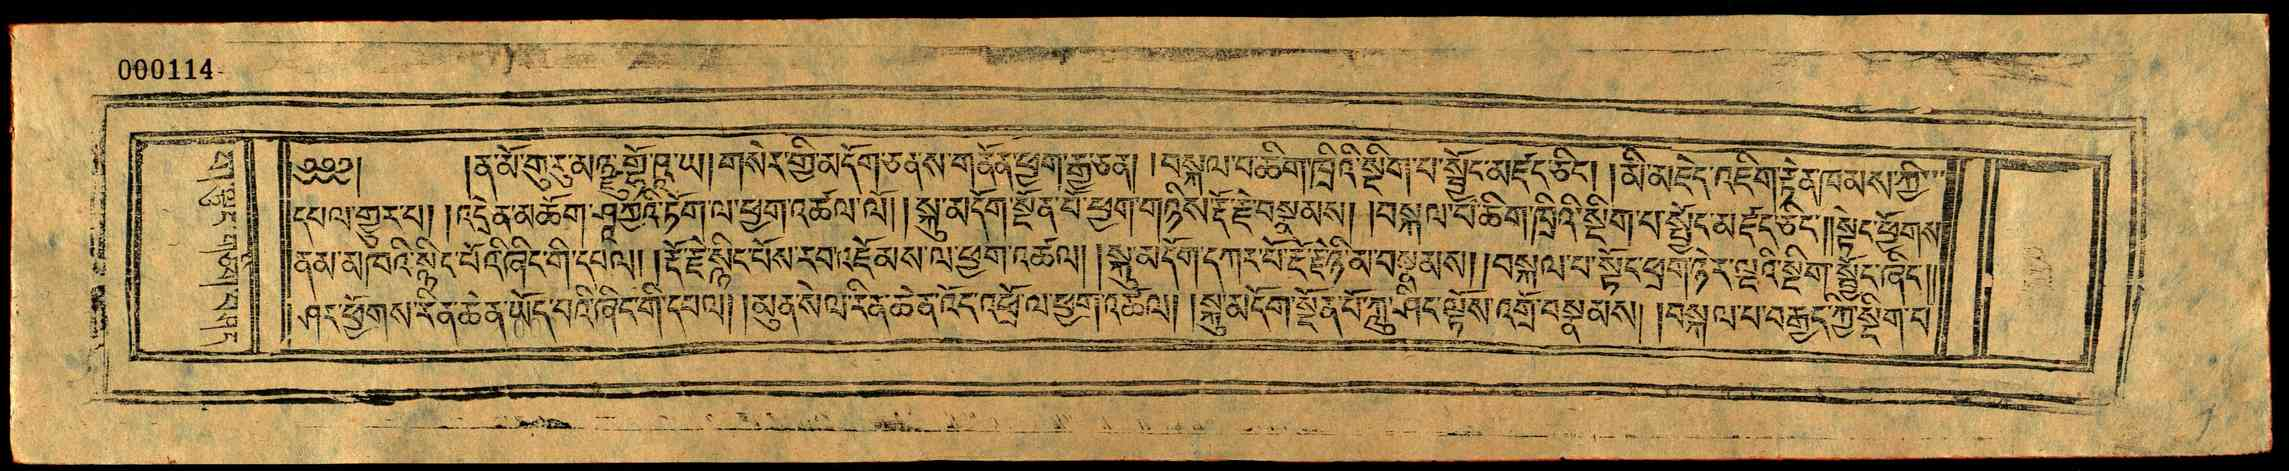༄༅། །ན་མོ་གུ་རུ་མཉྫུ་གྷོ་ཥ་ཡ། གསེར་གྱི་མདོག་ཅན་ས་གནོན་ཕྱག་རྒྱ་ཅན། །བསྐལ་པ་ཆིག་ཁྲིའི་སྡིག་པ་སྦྱོང་མཛད་ཅིང་། །མི་མཛད་འཇིག་རྟེན་ཁམས་ཀྱི་
དཔལ་གྱུར་པ། །འདྲེན་མཆོག་ཤཱཀྱའི་ཏོག་ལ་ཕྱག་འཚལ་ལོ། །སྐུ་མདོག་སྔོན་པོ་ཕྱག་གཉིས་རྡོ་རྗེ་བསྣམས། །བསྐལ་པ་ཆིག་ཁྲིའི་སྡིག་པ་སྦྱོང་མཛད་ཅིང་། །སྟོང་ཕྱོགས་
ནམ་མཁའི་སྙིང་པོའི་ཞིང་གི་དཔལ། །རྡོ་རྗེ་སྙིང་པོས་རབ་འཇོམས་ལ་ཕྱག་འཚལ། །སྐུ་མདོག་དཀར་པོ་རྡོ་རྗེ་ཉི་མ་བསྣམས། །བསྐལ་པ་སྟོང་ཕྲག་ཉེར་ལྔའི་སྡིག་སྦྱོང་ཞིང་། །
ཤར་ཕྱོགས་རིན་ཆེན་ཡོད་པའི་ཞིང་གི་དཔལ། །མུན་སེལ་རིན་ཆེན་འོད་འཕྲོ་ལ་ཕྱག་འཚལ། །སྐུ་མདོག་སྔོན་པོ་ཀླུ་ཤིང་ལྟོས་འགྲོ་བསྣམས། །བསྐལ་པ་བརྒྱད་ཀྱི་སྡིག་པ་